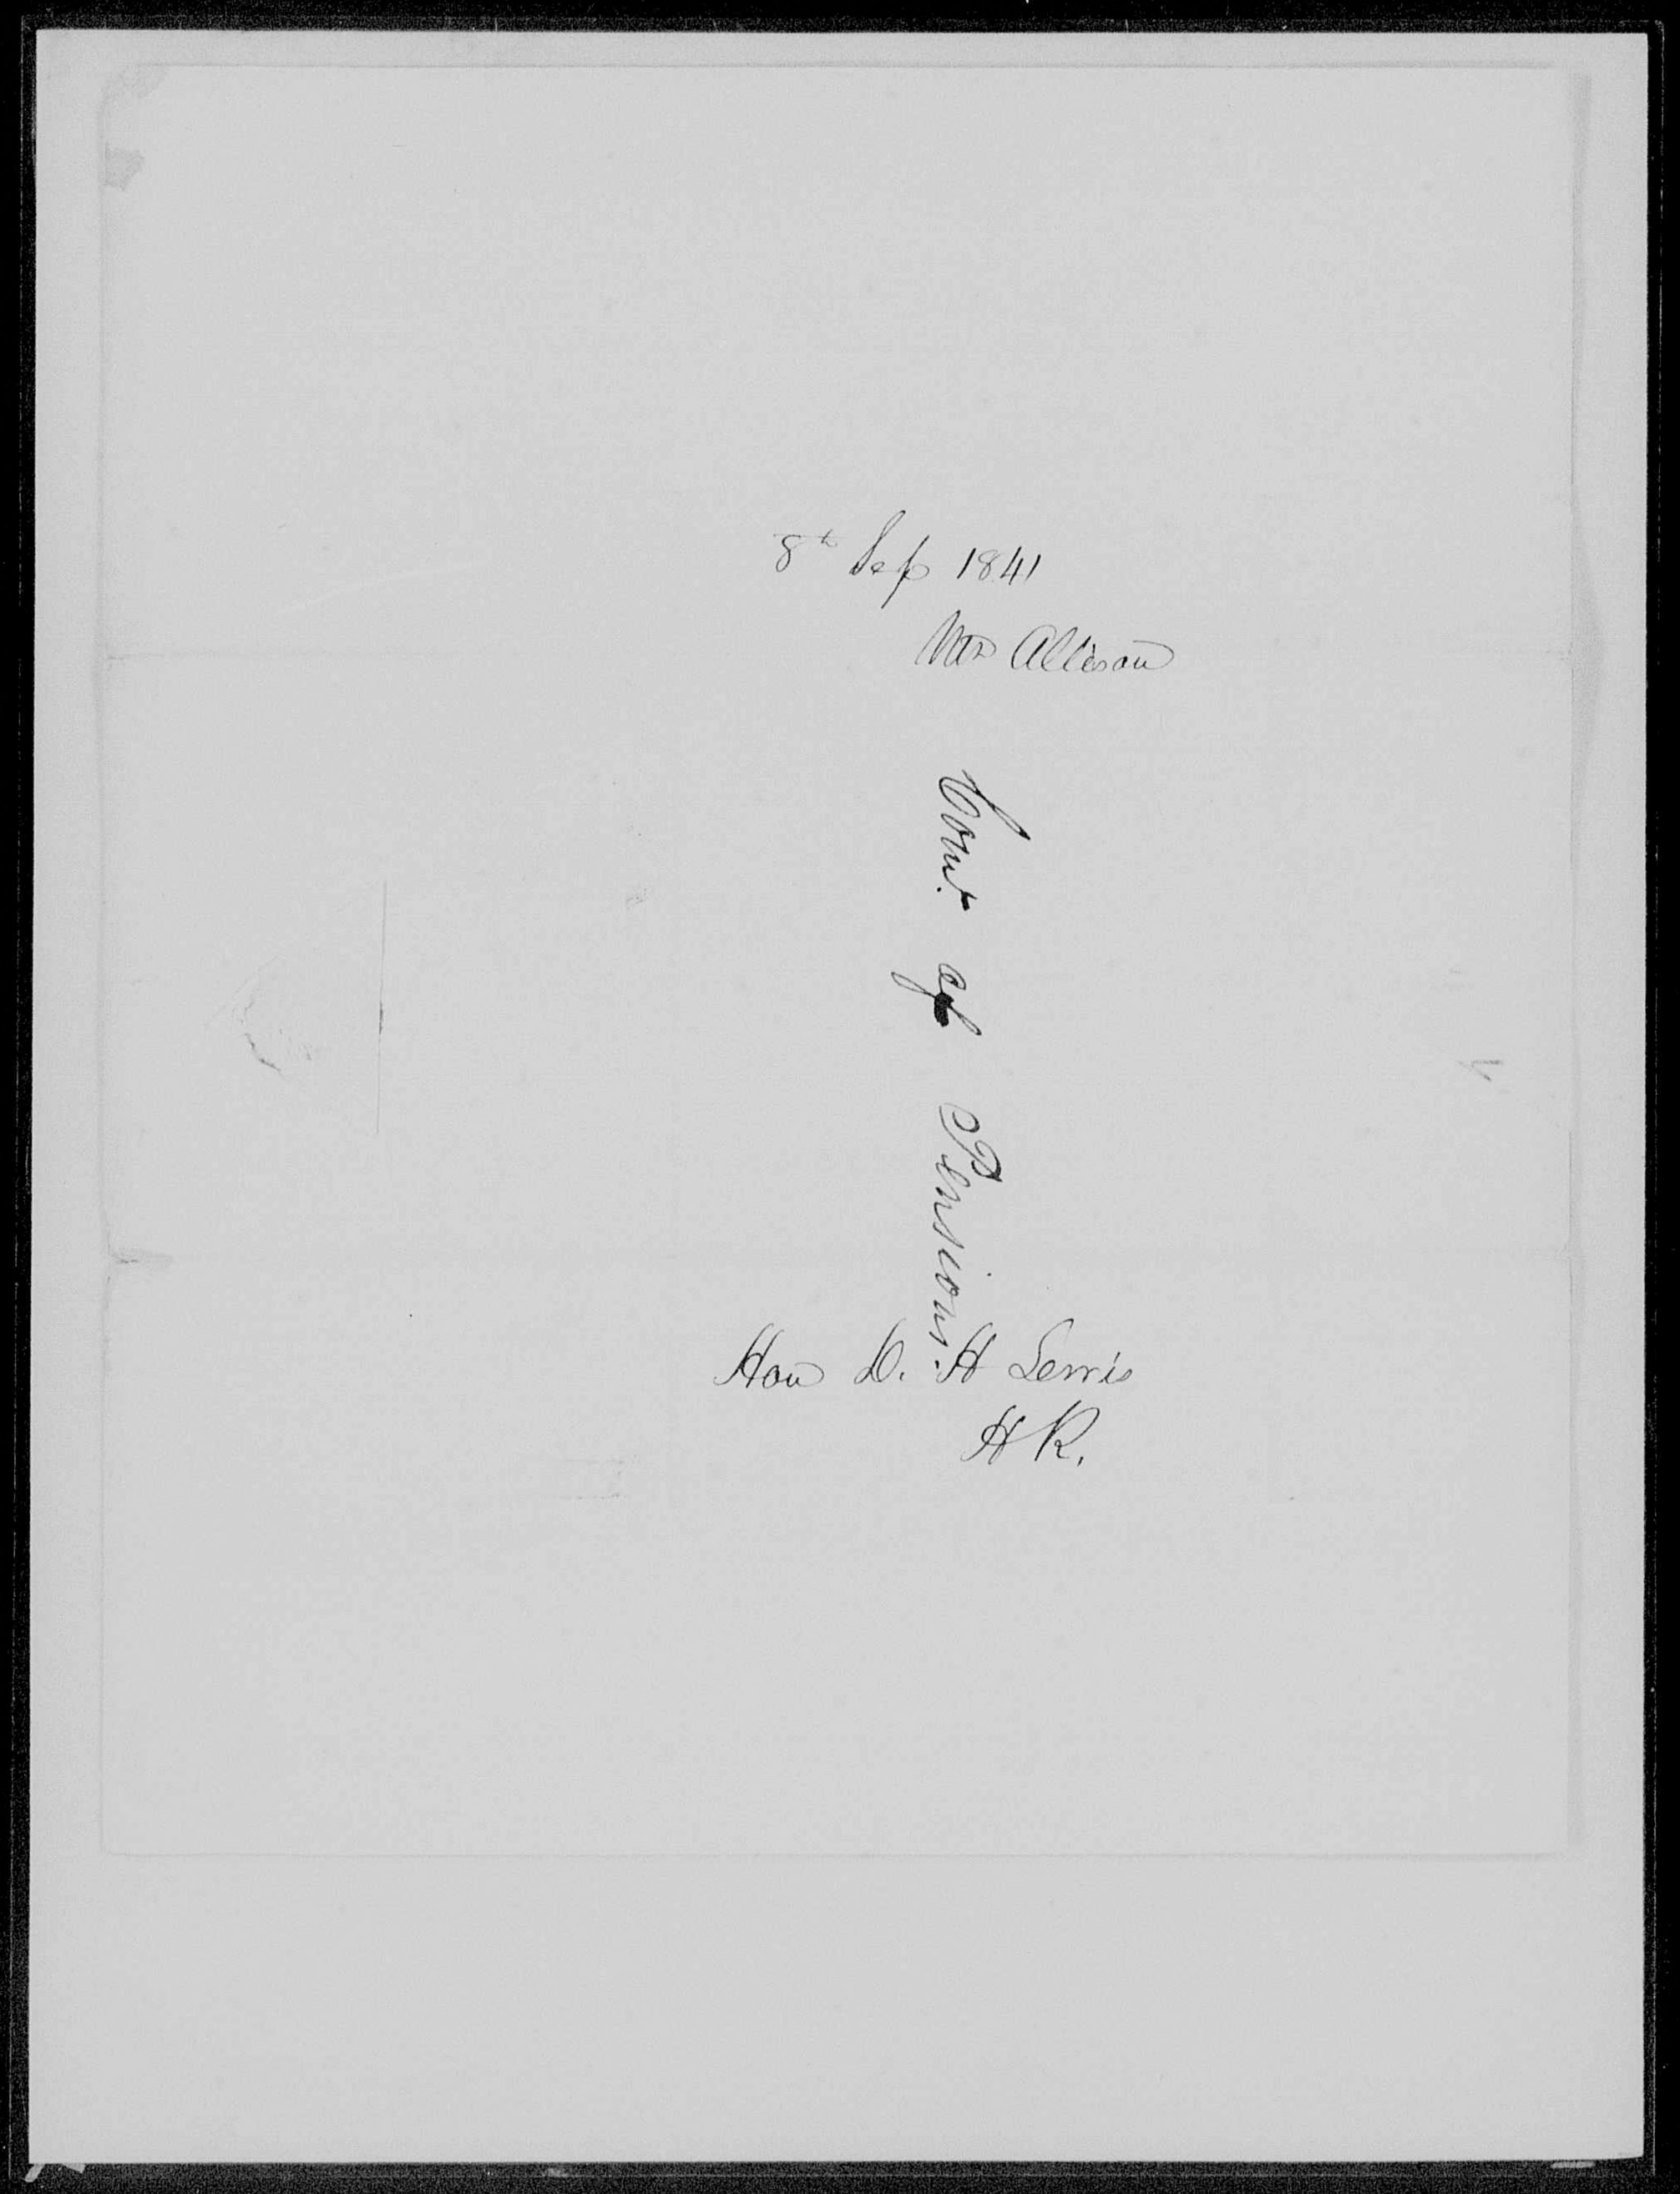8th Sep  1841
Mr Allison


Hon. D. H. Lewis
H R.

[address text writeen vertically from top to bottom of page as follows:]

Comr. of Pensions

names: D H Lewis, Allison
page: 21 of 31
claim: survivor's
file: S. 14802, Thomas Ward, S.C.